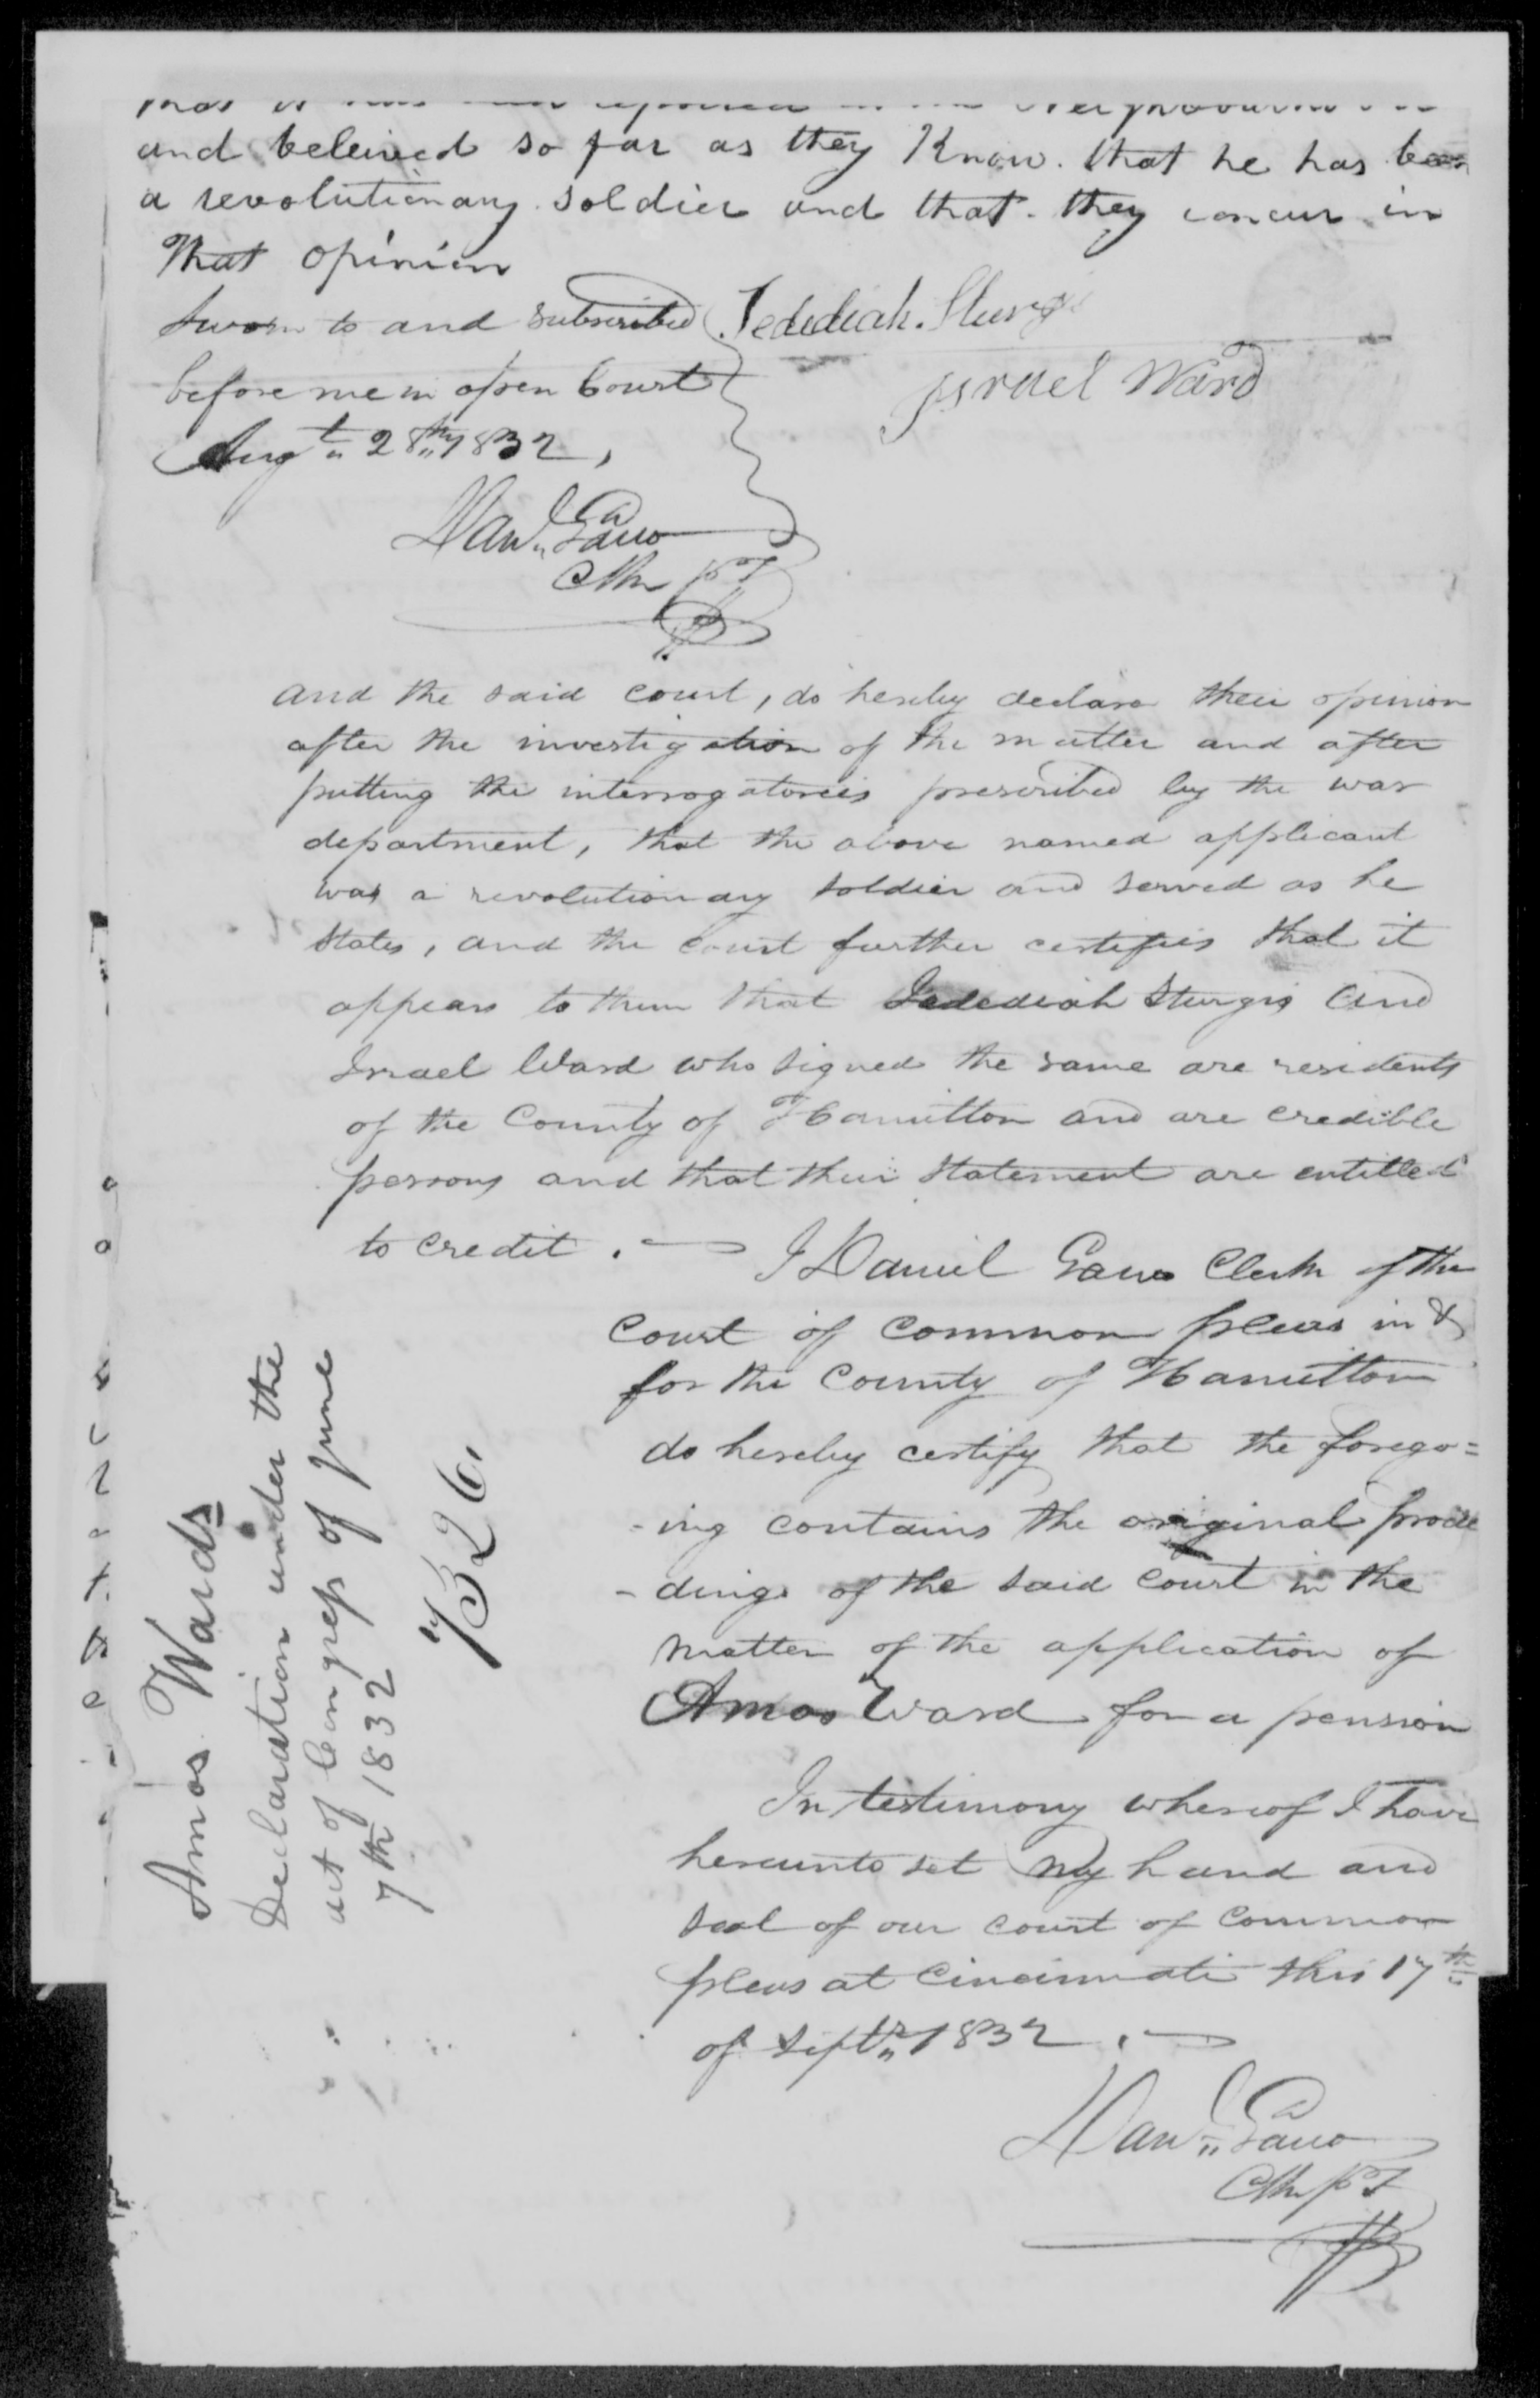and believed so far as they Know. that he has been a revolutionary. soldier and that. they concur in That opinion 
Jedediah Sturgis
Israel Ward
Sworn to and subscribed before me in open Court Augt 28th 1832, 
Danl Gano Clk PL

And the said Court, do hereby declare their opinion after the investigation of the matter and after putting the interrogatories prescribed by the war department, that the above named applicant was a revolutionary soldier and served as he States, and the court further certifies that it appears to them that Jedediah Sturges and Israel Ward who signed the same are residents of the County of Hamilton and are credible persons and that their Statement are entitled to credit. 
I Daniel Gano Clerk of the Court of Common pleas in & for the County of Hamilton do hereby certify that the foregoing contains the original proceedings of the said Court in the matter of the application of Amos Ward for a pension 
In testimony whereof I have hereunto set my hand and seal of our Court of Common pleas at Cincinnati this 17th of Sept 1832. -- 
Danl Gano Clk PL


[writing oriented vertically in left margin of page going from bottom to top of page, as follows:]  Amos Wards Declaration under act of Congress of June 7th 1832.  7326.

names: Israel Ward, Jedediah Sturgis, Amos Wards, Danl Gano, Danl Gano, Israel Ward, Amos Ward, Jedediah Sturgis, Daniel Gano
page: 8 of 18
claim: survivor's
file: S. 4718, Amos Ward, New Jersey